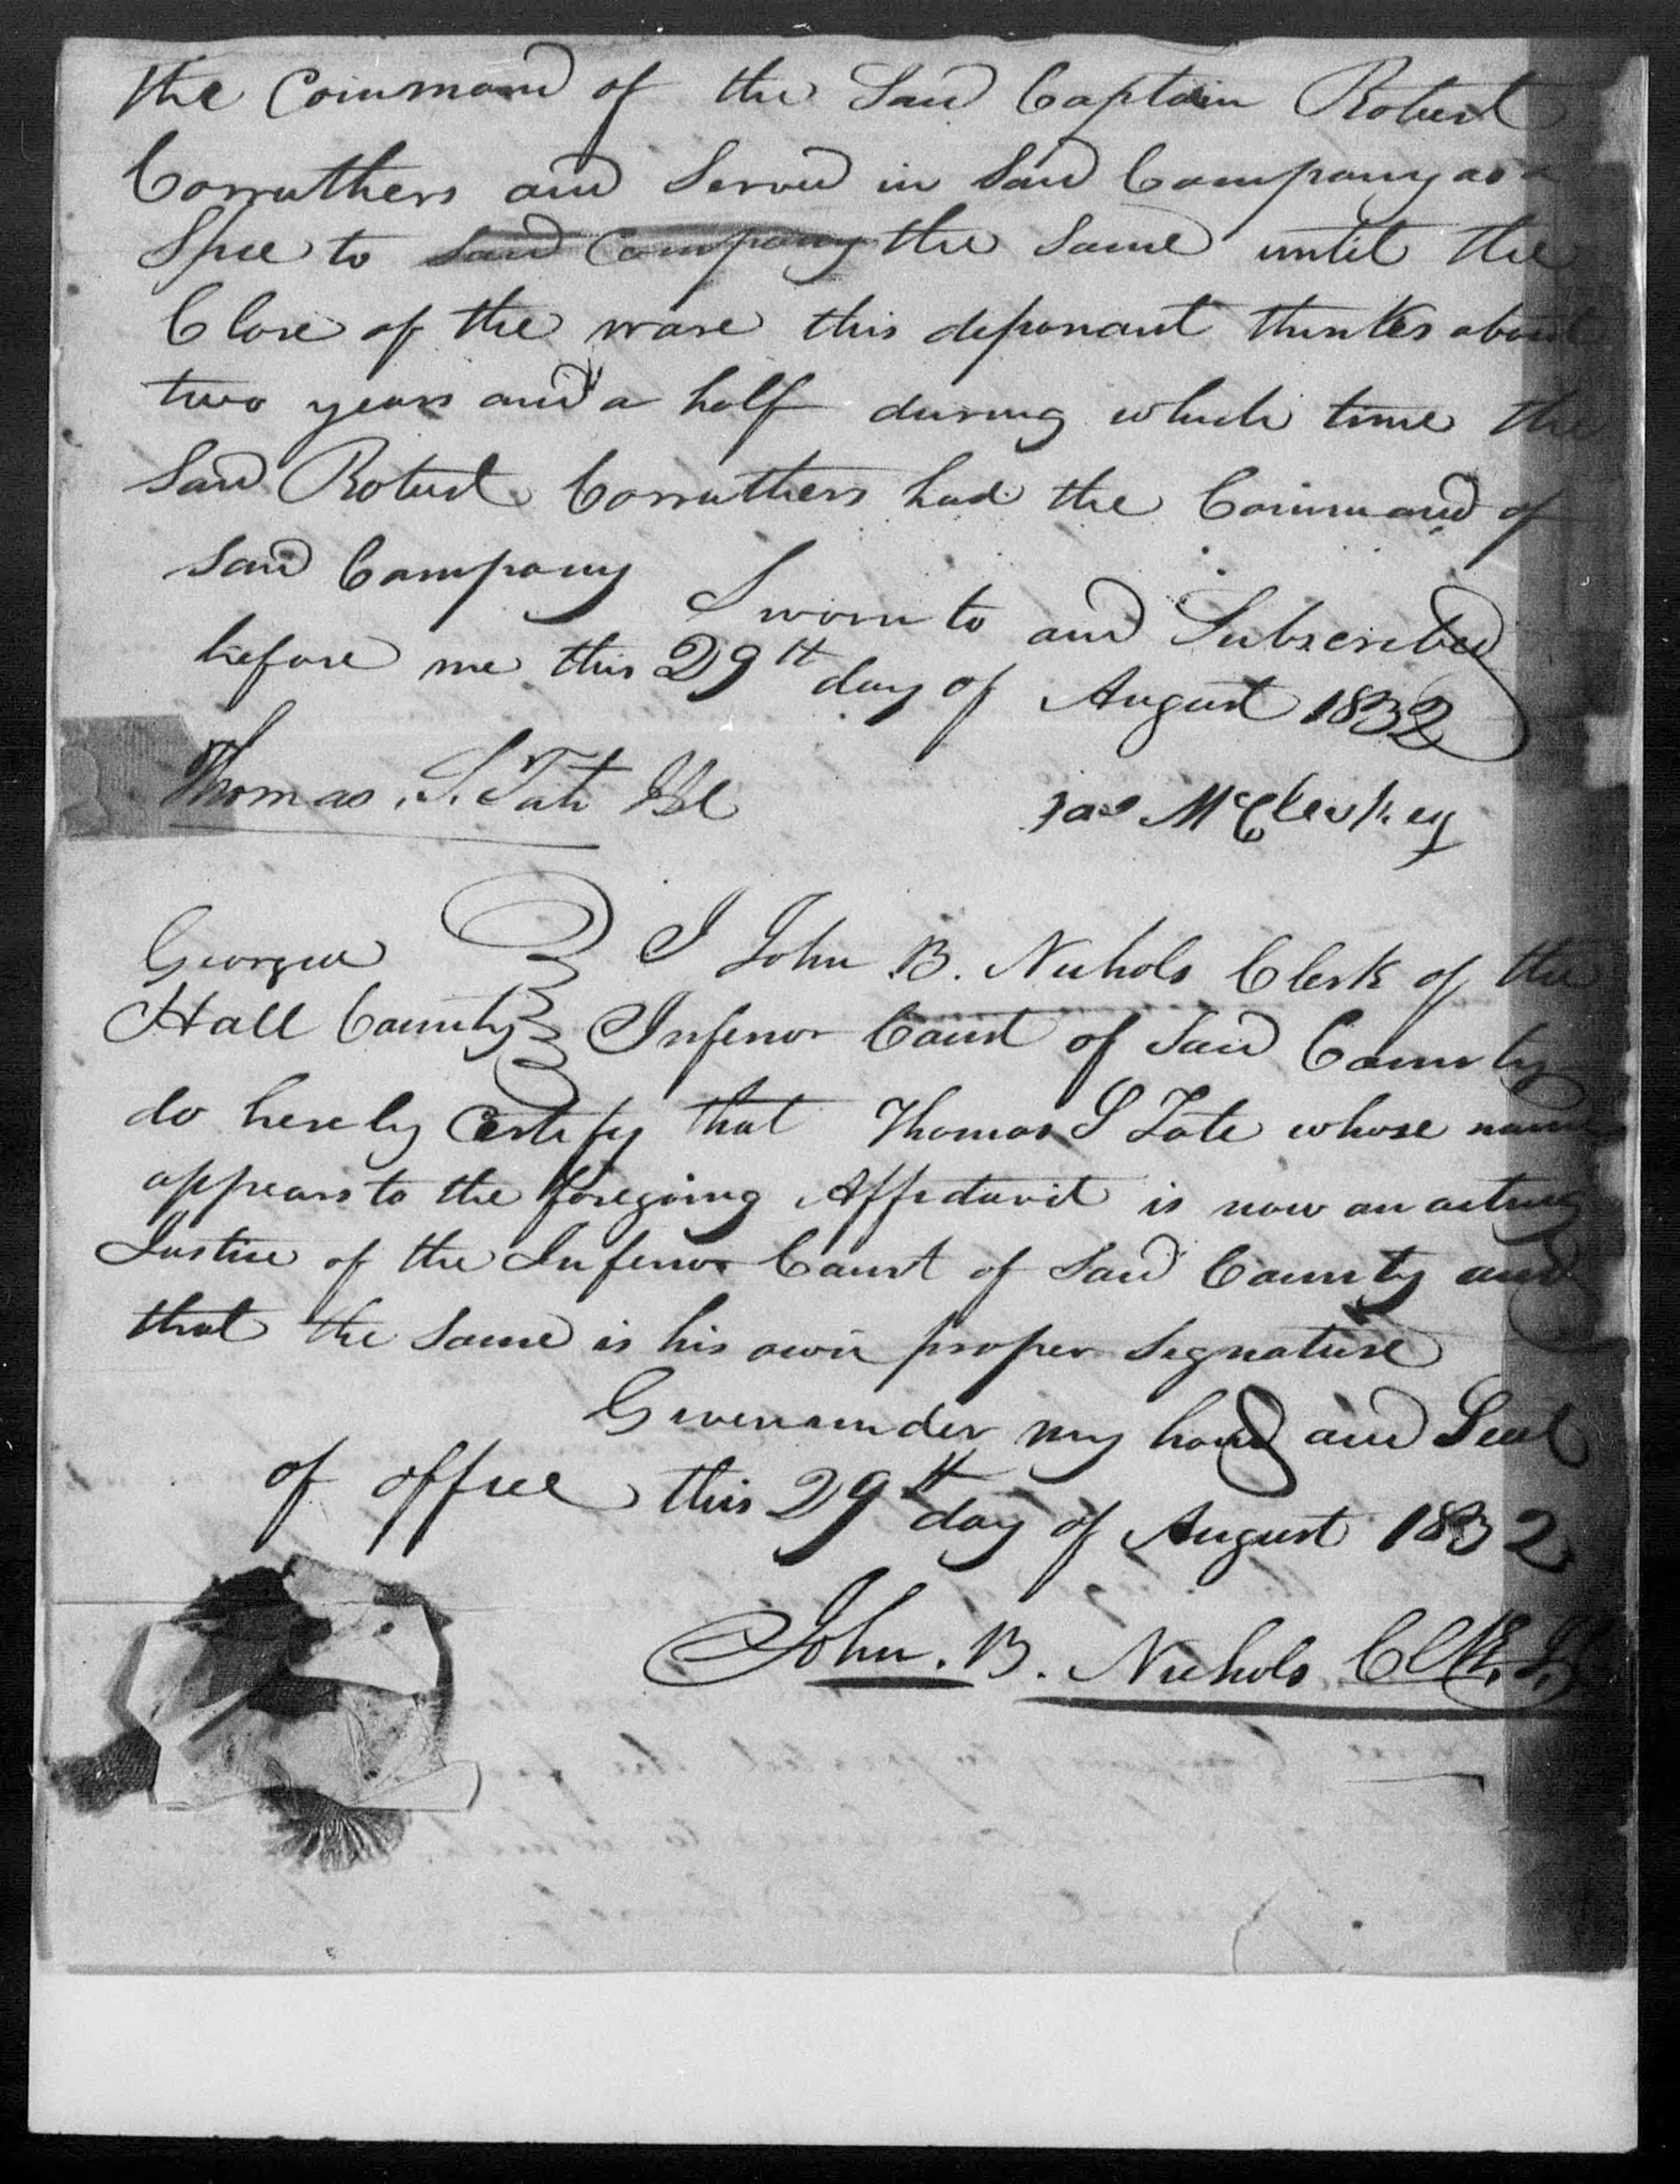the command of the said Captain Robert Carruthers and served in said company as a spie ( spy )  to the same  until the close of the war this deponent thinks about two years and a half during which time the said Robert Carruthers had the command of said Company .  Sworn to and subscribed before me this 29th day of August 1832  Jas. Mc Clesky ( signed ) Thomas S. Tate ( signed ) JM                                  [ Georgia Hall County ] I John B. Nichols Clerk of the Inferior Court of said  County do hereby certify that  Thomas S Tate whose name appears to the foregoing affidavit is now an acting Justice of the Inferior Court of said County and that the same is his own proper signature . Given under my hand  and Seal of office this 29th day of August 1832.  John B. Nichols ( signed / sealed ) Clk  I.C.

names: John B Nichols, Thomas S Tate, Jas Mc Cleskey, Robert Carruthers, John B Nichols, Thomas S Tate, Robert Carruthers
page: 31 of 33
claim: widow's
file: W. 23779, Robert Carithers, S.C.